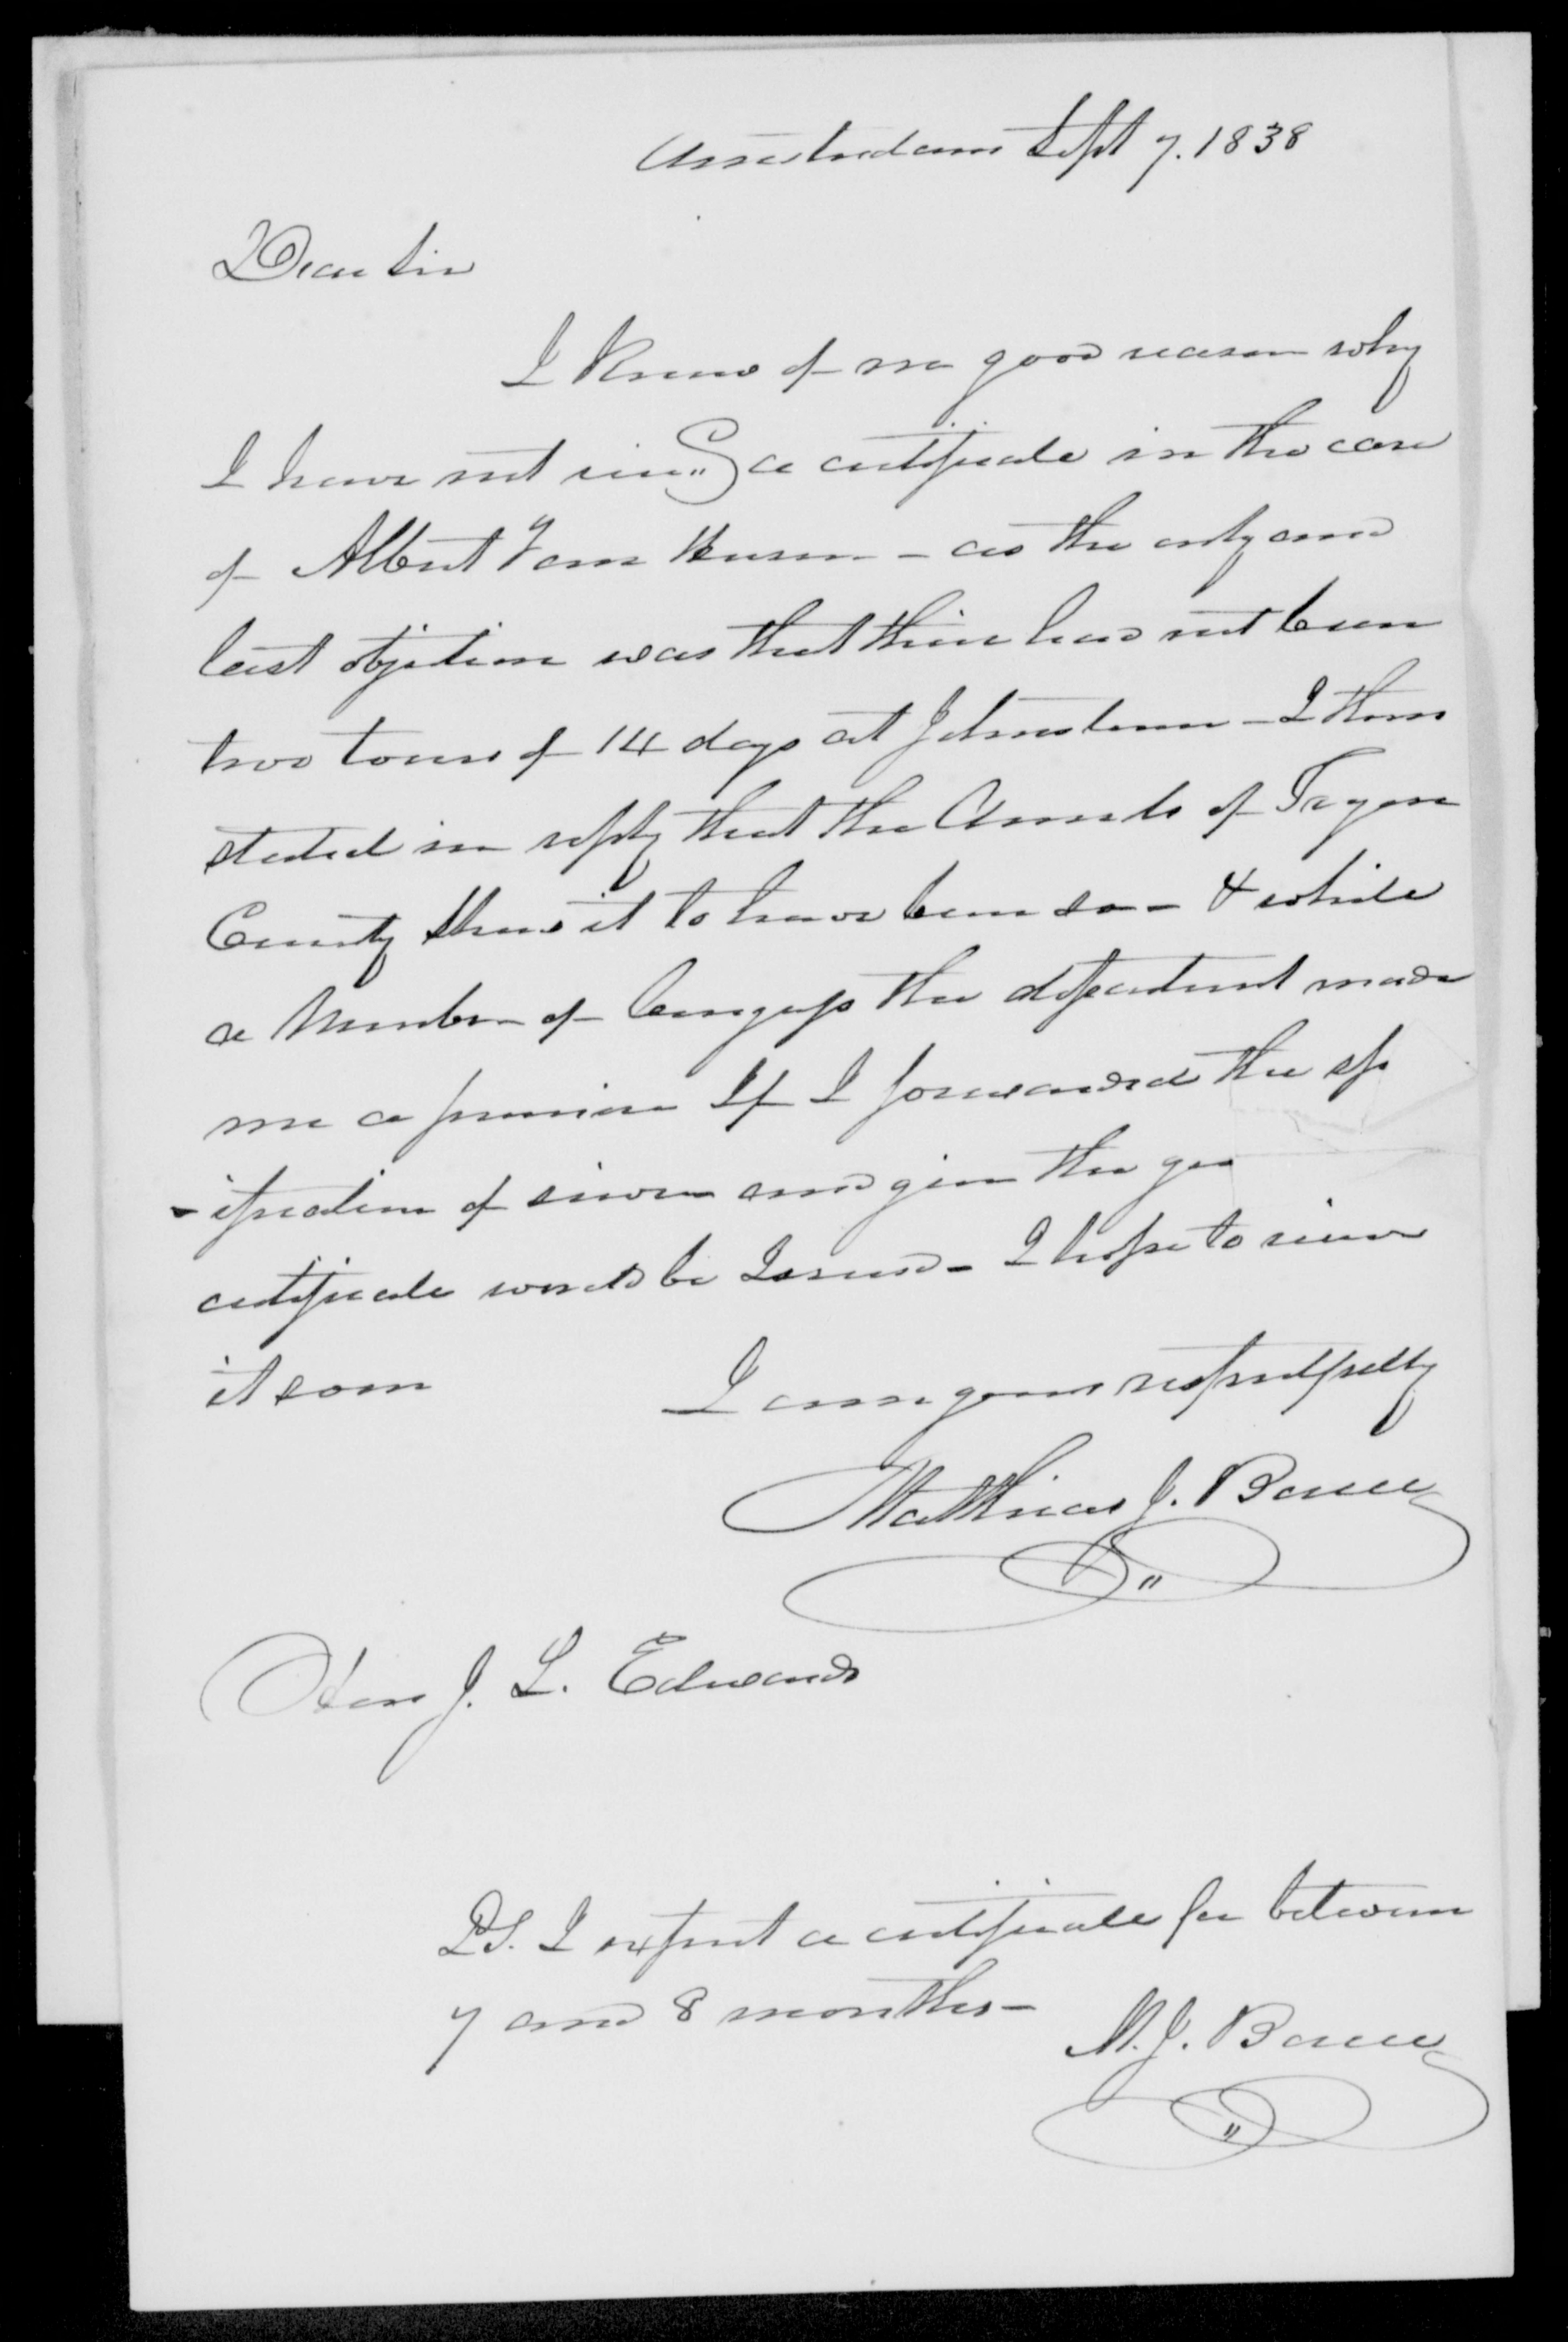Amsterdam Sept 7. 1838 
Dear Sir 
I know of no good reason why I have not [illegible, recd?] a certificate in the case of Albert Van Husen - as the only and last objection was that their had not been two tours of 14 days at Johnstown – I then stated in reply that the Annals of Tryon County show it to have been so & while a Member of Congress the department made me a promise If I forwarded the specification of services and give the [word obscured] certificate and be Issued - I hope to receive it soon
I am yours respectfully 
[signed] Matthias J. Bovee 

Hon J. L. Edwards 

PS. I expect a certificate for between 7 and 8 months – 
M. J. Bovee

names: M J Bovee, J L Edwards, Albert Van Husen, Mathias J Bovee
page: 45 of 57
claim: survivor's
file: S. 28,925, Albert Van Housen, New York